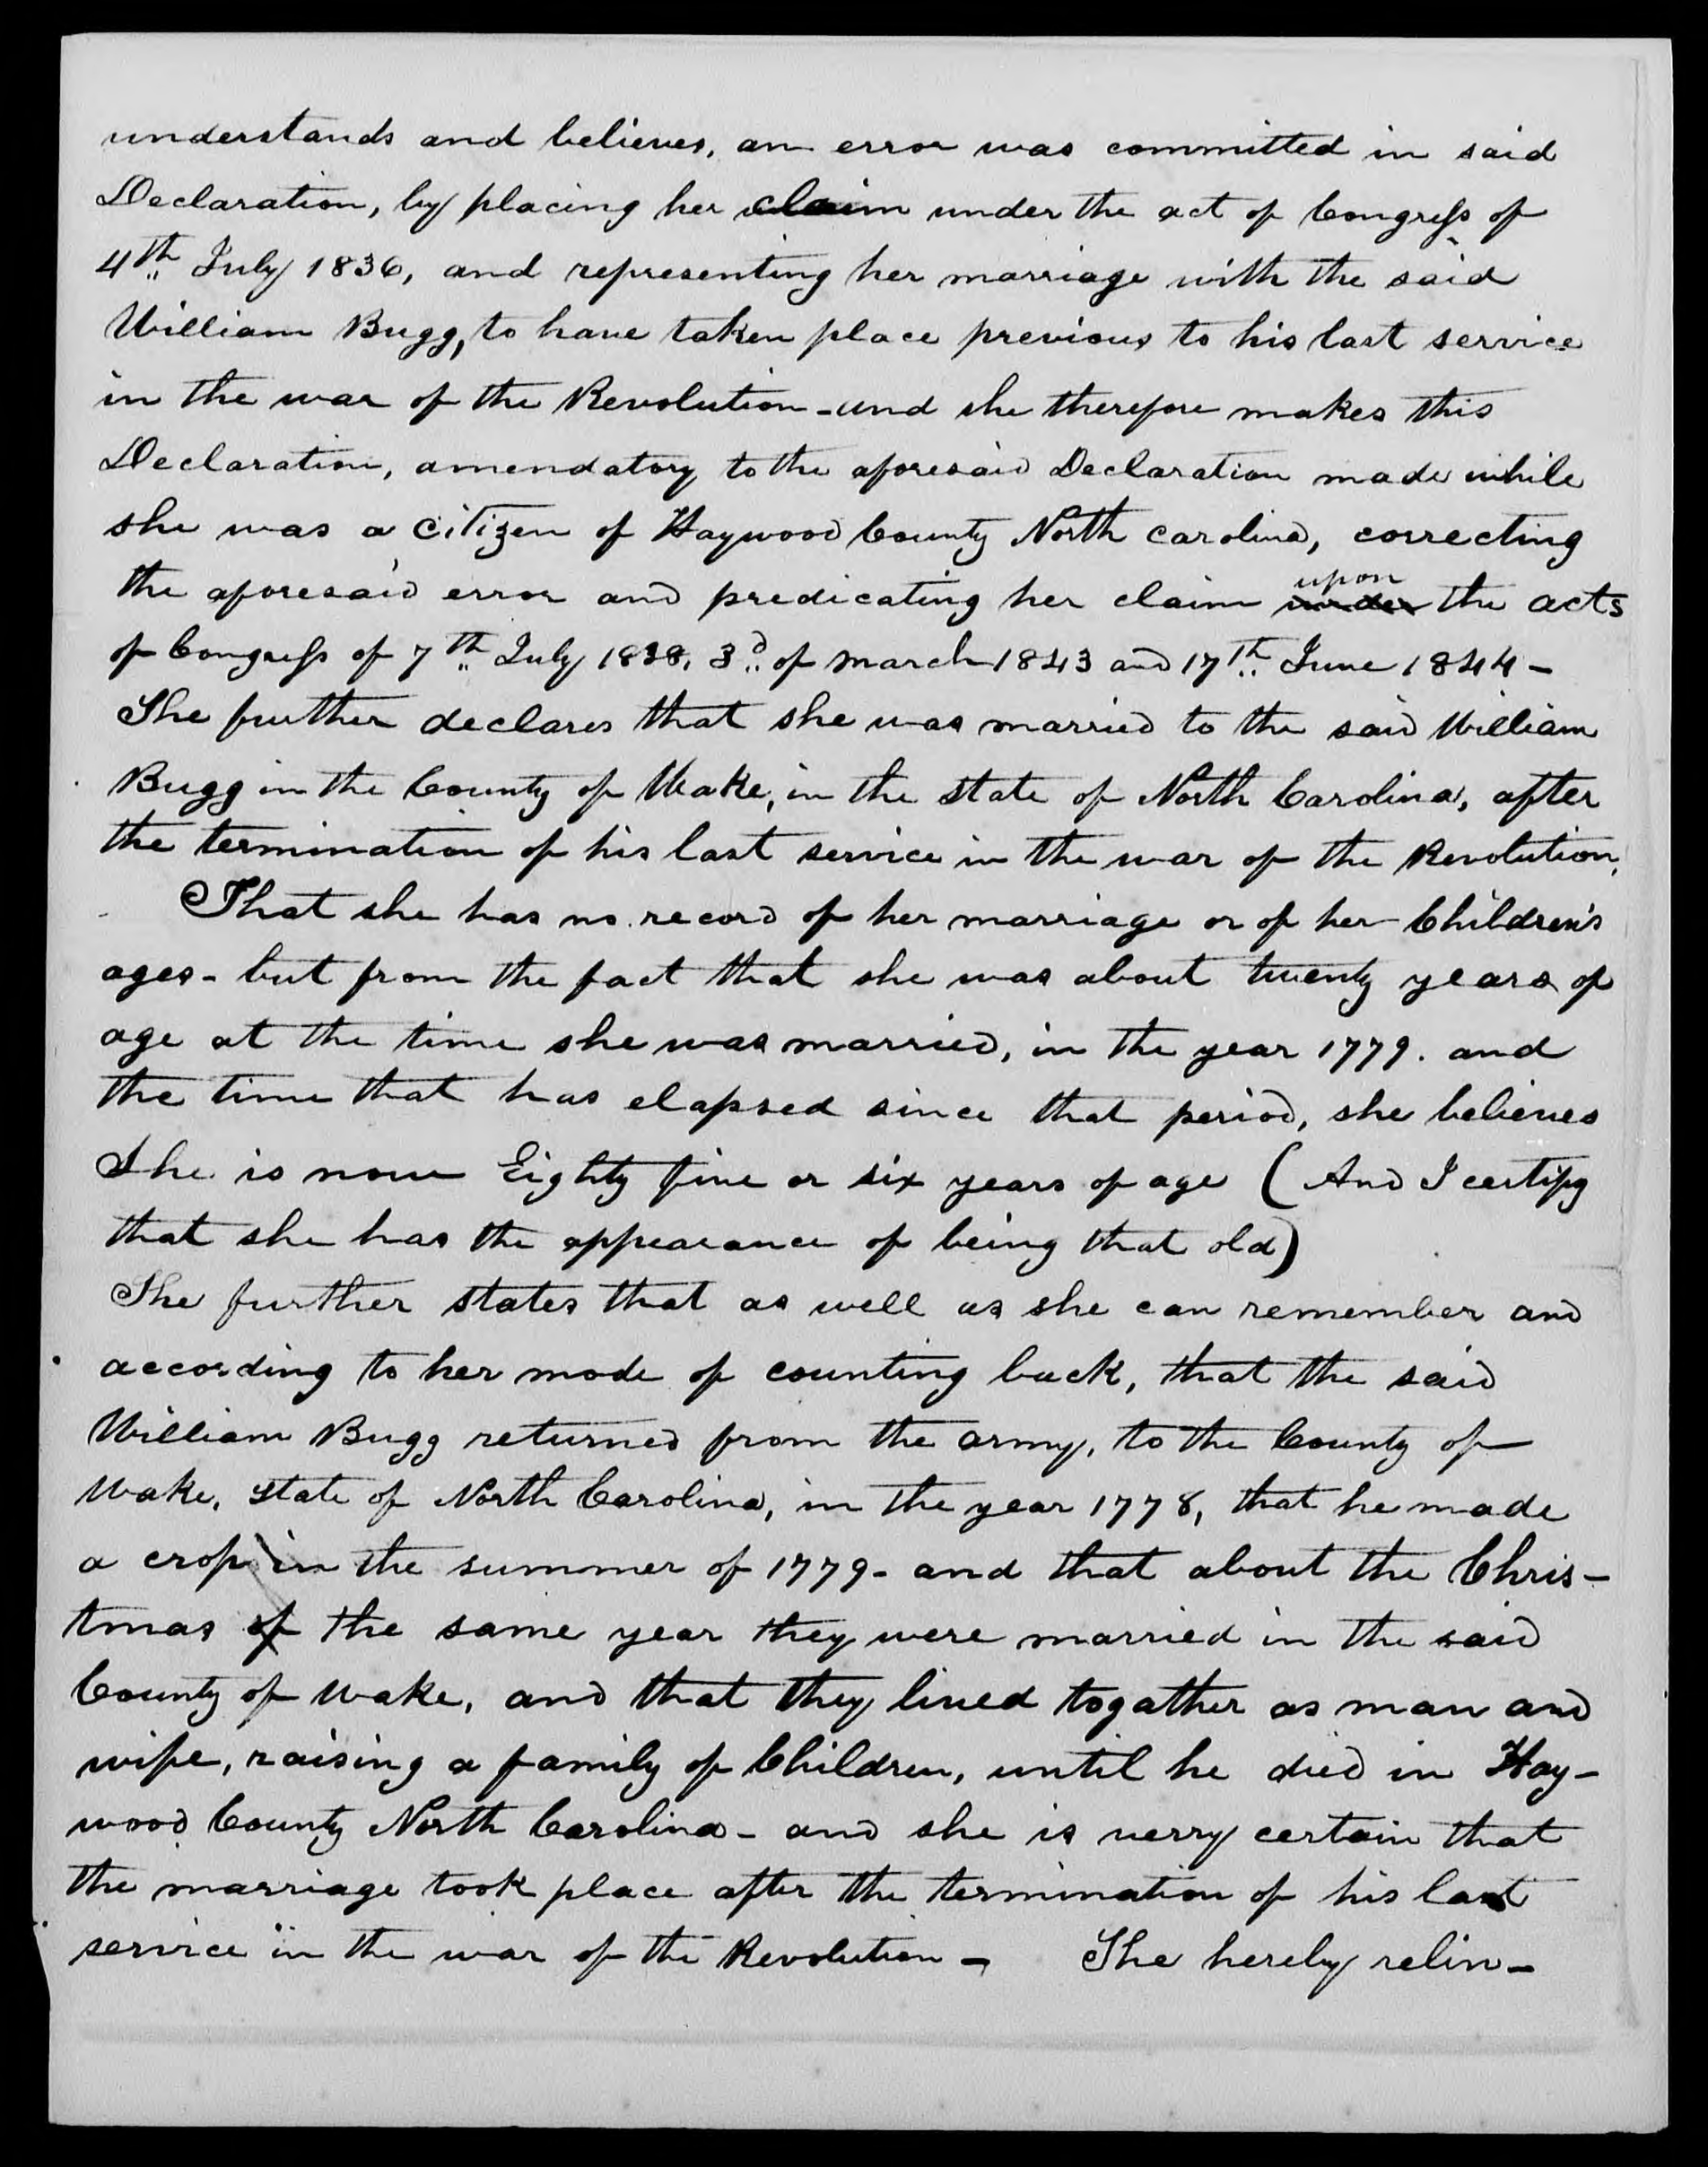understands and believes, an error was committed in said Declaration, by placing her claim under the act of Congress of 4th July 1836, and representing her marriage with the said William Bugg, to have taken place previous to his last service in the war of the Revolution - and she therefore makes this Declaration, amendatory to the aforesaid Declaration made while she was a citizen of Haywood County North carolina, correcting the aforesaid error and predicating her claim [here the word "under" was crossed out, and "upon" was written above] the acts of Congress of 7th July 1838, 3d of March 1843 and 17th June 1844 -

[Occasional spacing has been included to make the long text block easier to read.]

She further declares that she was married to the said William Bugg in the County of Wake, in the State of North Carolina, after the termination of his last service in the war of the Revolution,

That she has no record of her marriage or of her Children's ages -  but from the fact that she was about twenty years of age at the time she was married, in the year 1779. and the time that has elapsed since that period, she believes She is now Eighty five or six years of age (And I certify that she has the appearance of being that old)

She further states that as well as she can remember and according to her mode of counting back, that the said William Bugg returned from the army, to the County of Wake, State of North Carolina, in the year 1778, that he made a crop in the summer of 1779 - and that about the Christmas [here the word "of" was crossed out] the same year they were married in the said County of Wake, and that they lived togather as man and wife, raising a family of Children, until he died in Haywood County North Carolina - and she is verry certain that the marriage took place after the termination of his last service in the war of the Revolution -  She hereby relin-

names: William Bugg, William Bugg, William Bugg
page: 48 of 50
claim: widow's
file: W. 898, William Bugg, N.C.